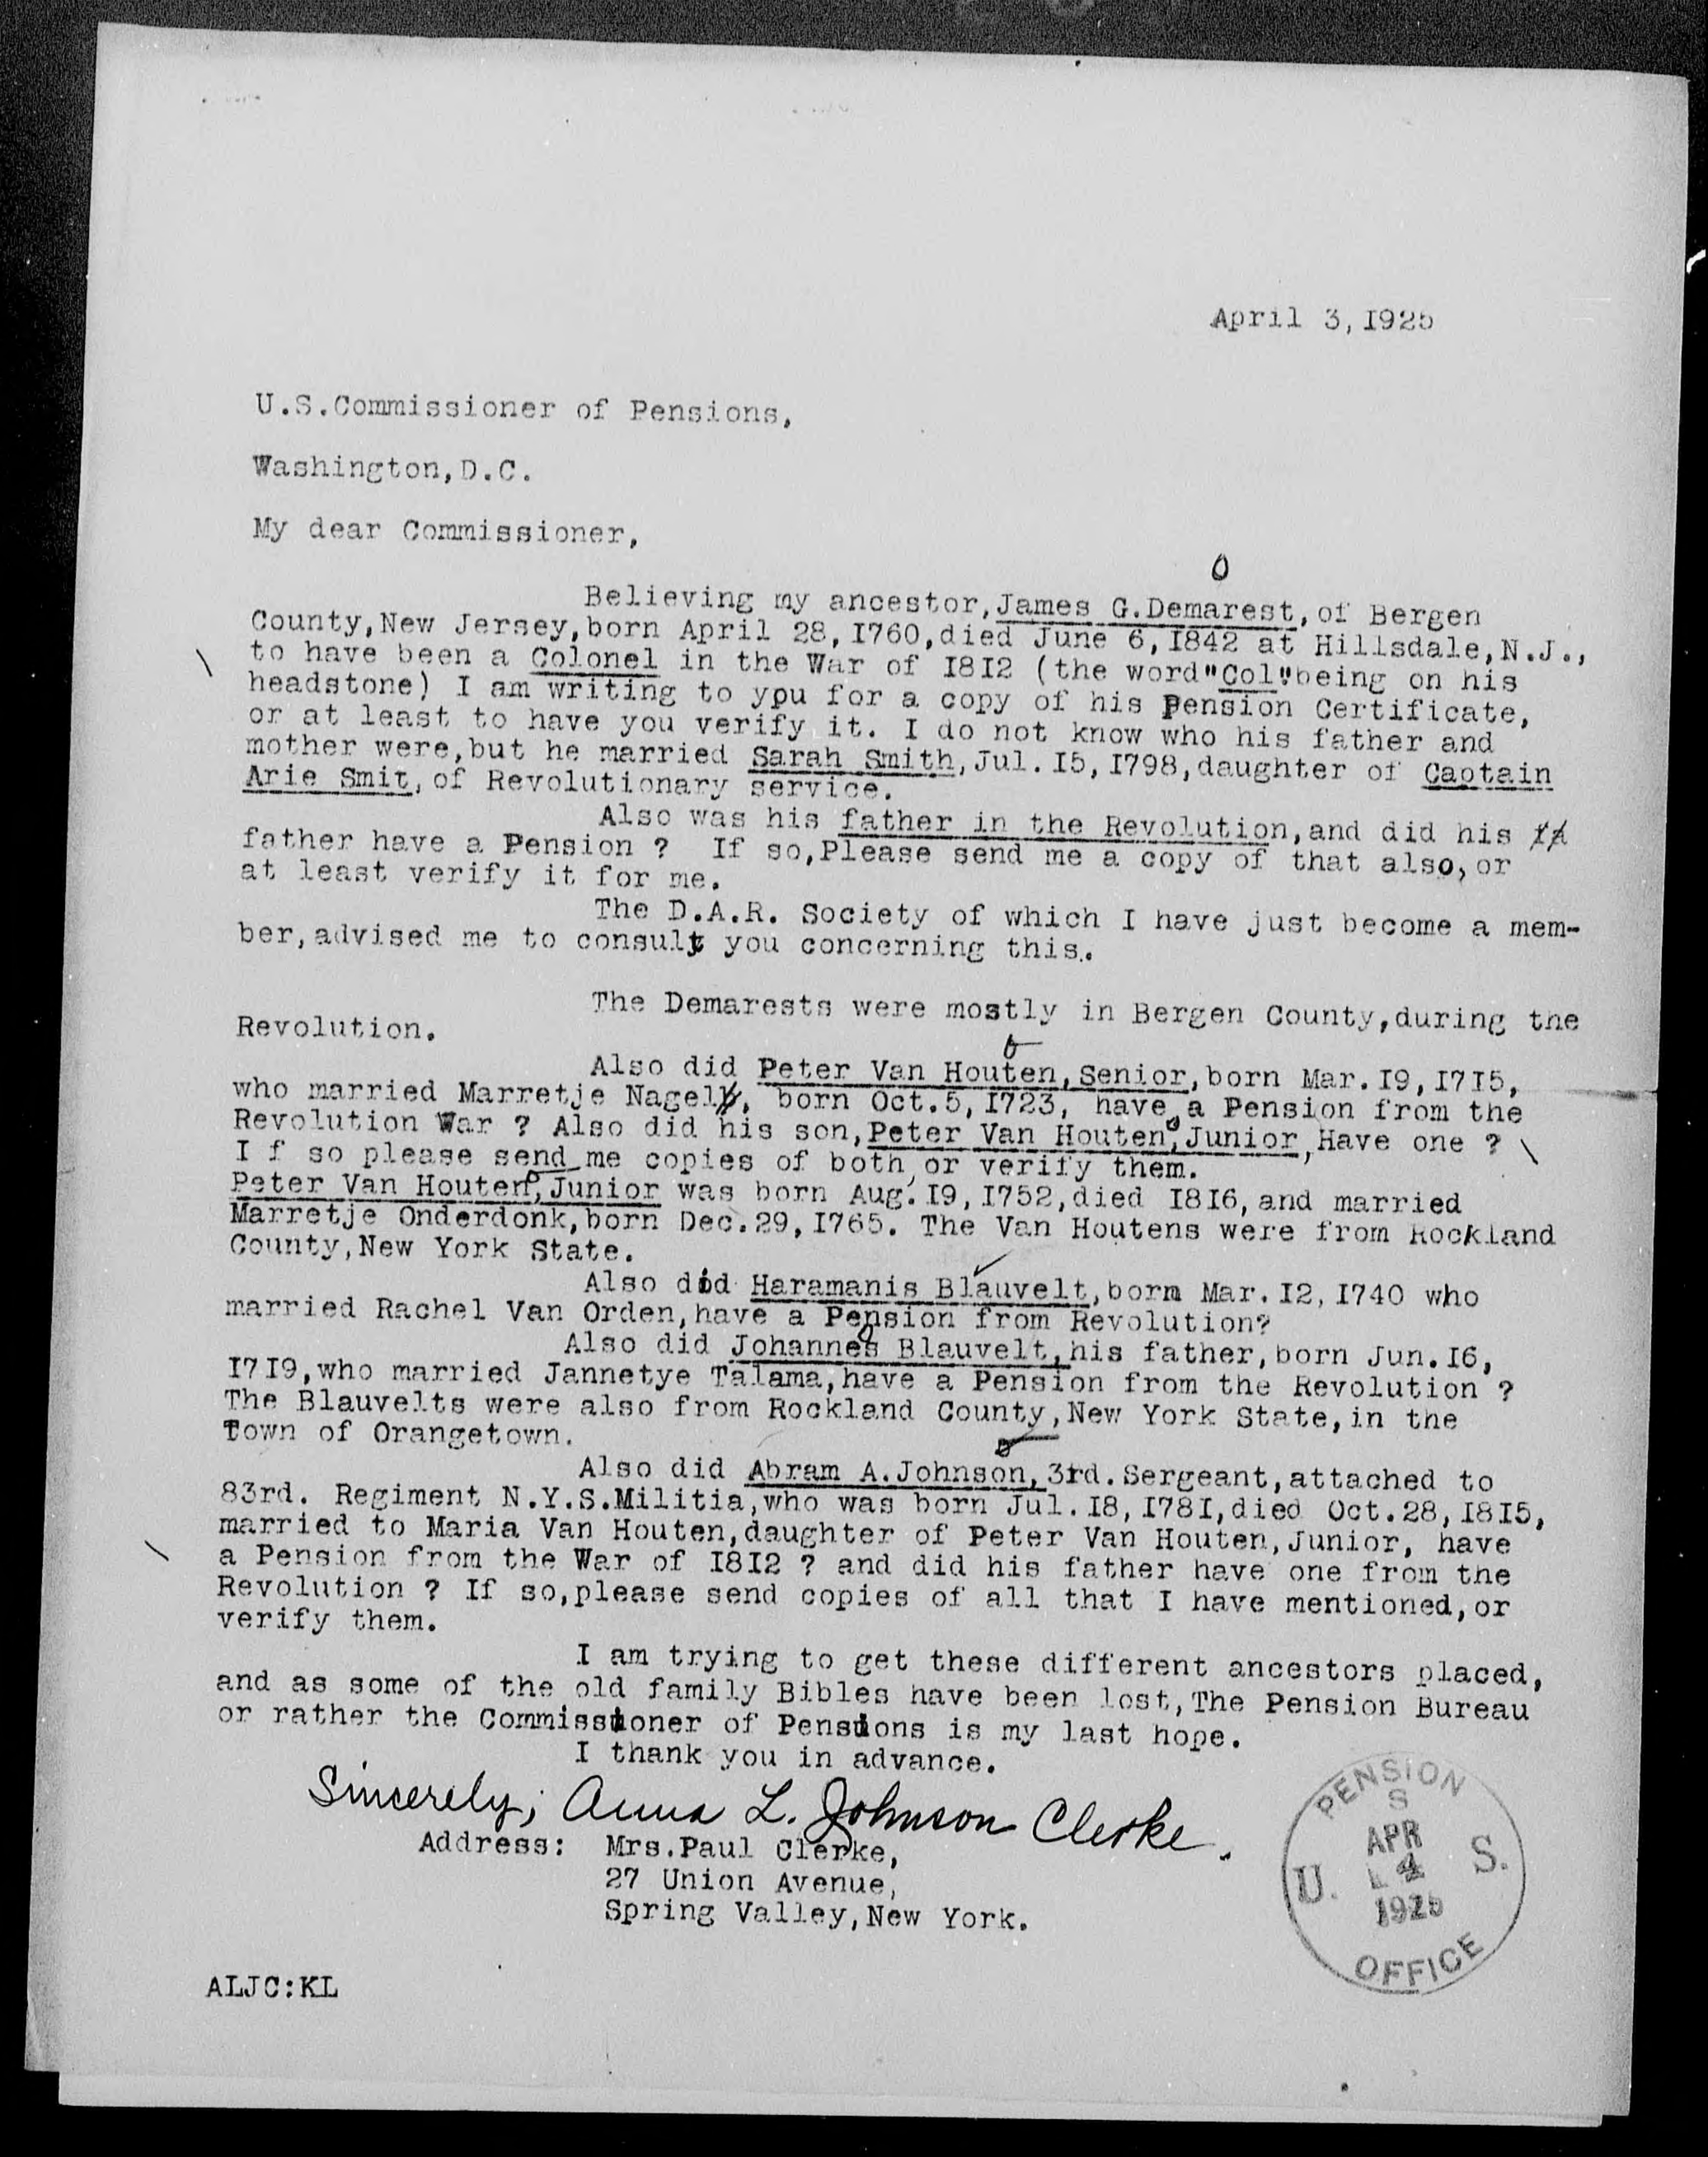April 3, 1925
U.S. Commissioner of Pensions,
Washington, D.C.
My dear Commissioner,
Believing my ancestor James G. Demarest, of Bergen County, New Jersey, born April 28, 1760, died June 6, 1842 at Hillsdale, N.J., to have been Colonel in the War of 1812 (the word "Col" being on his headstone) I and writing to you for a copy of his Pension Certificate, or at least to have you verify it. I do not know who his father and mother were, but he married Sarah Smith, Jul 15, 1798, daughter of Captain Arie Smith, of Revolutionary service.
Also was his father in the Revolution, and did his father have a Pension? If so, please send me a copy of that also, or at least verify it for me.
The D.A.R. Society of which I have just become a member, advised me to consult you concerning this.
The Dermarests were mostly in Bergen County, during the Revolution.
Also did Peter Van Houten, Senior, born Mar. 19, 1715, who maried Marretje Nagel, born Oct 5 1723, have a pension from the Revolution War? Also did his son, Peter Van Houten Junior have one? If so please send me copies of both, or verify them. Peter Van Houten, Junior was born Aug. 19, 1752, died 1816, and mrried Marretje Onderdonk, born Dec. 29, 1765. The Van Houtens were from Rockland County, New York State.
Also did Haramanis Blauvelt, born Mar. 12, 1740 who married Rachel Van Orden have a pension from Revolution?
Also did Johannes Blauvelt, his father, born Jun.16, 1719, who married Jannetye Talama have a pension from the Revolution? The Blauvelts were also from Rockland County, New York State, in the Town of Orangetown.
Also did Abram A.Johnson, 3rd Sergeant, attached to 83rd Regiment N.Y.S. Militia, who was born Jul. 18, 1781, died Oct. 28, 1815, married to Maria Van Houten, daughter of Peter Van Houten, Junior, have a Pension from the War of 1812? and did his father have one from the Revolution? If so, please send copies of all that I have mentioned, or verify them.
I am trying to get these different ancestors placed, and as some of the old family Bibles have been lost, the Pension Bureau or rather the Commissioner of Pension is my last hope. I thank you in advance.
Sincerely, Anna L. Johnson Clerke
Address: Mrs. Paul Clerke
27 Union Avenue
Spring Valley, New York.
ALJC: KL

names: Johannes Blauvelt, Paul Clerke, Marretje Nagel, James G Demarest, Rachel Van Orden, Arie Smit, Maria Van Houten, Marretje Onderdonk, Peter Van Houten, Haramanis Blauvelt, Jannetye Talama, Peter Van Houten, Peter Van Houten, Abram A Johnson, Anna L Johnson, Blauvelts, Sarah Smith, Van Houtens, Peter Van Houten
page: 33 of 33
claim: survivor's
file: S. 22,653, Harmanus Blauvelt, New York